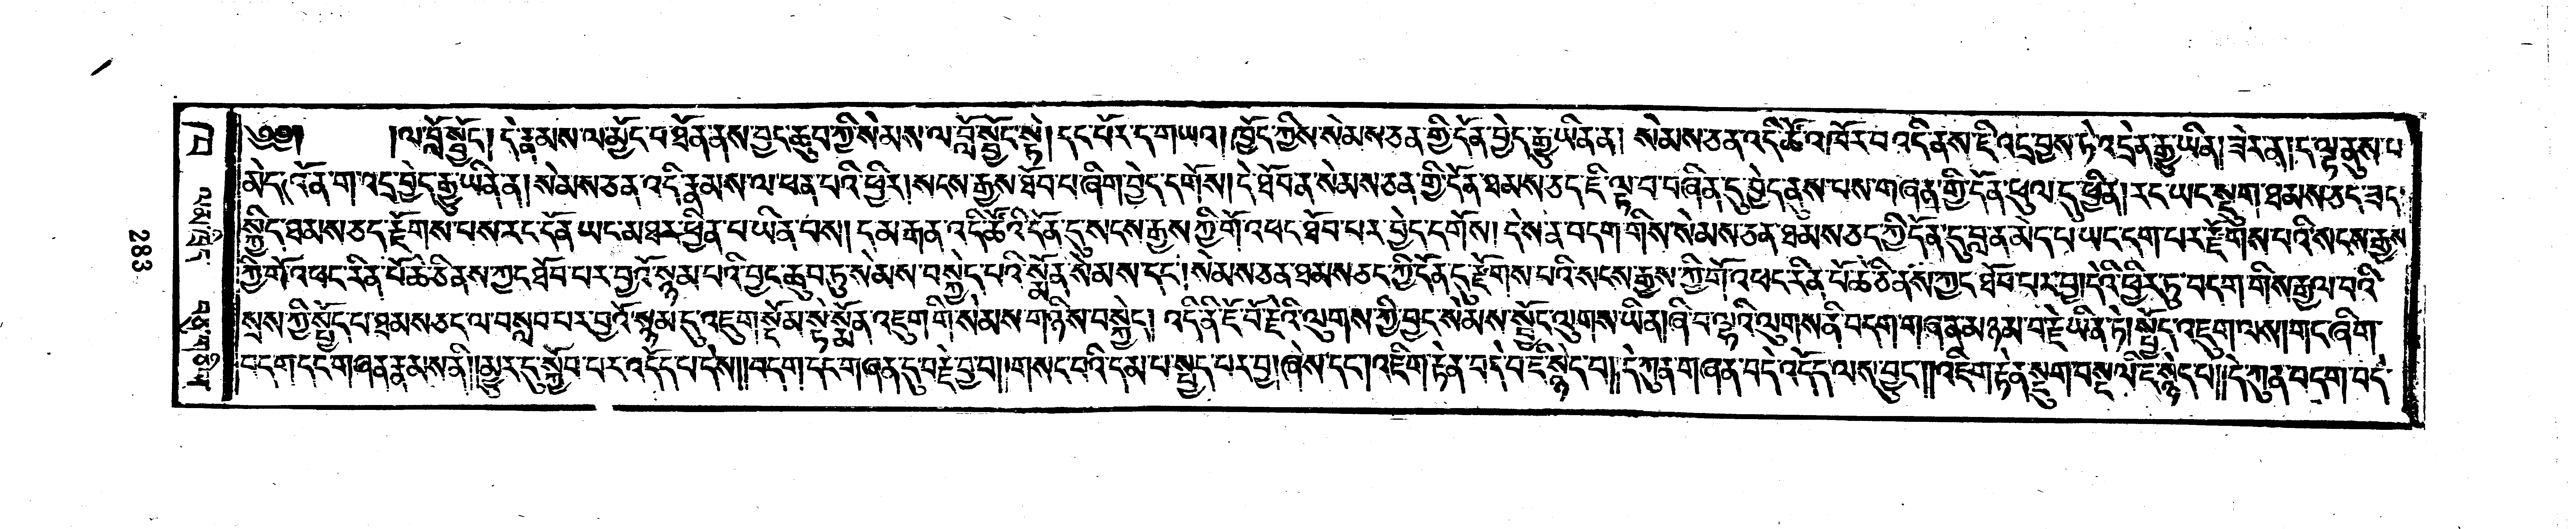༄༅། །ལ་བློ་སྦྱོང་། དེ་རྣམས་ལ་མྱོང་བ་ཐོན་ནས་བྱང་ཆུབ་ཀྱི་སེམས་ལ་བློ་སྦྱོང་སྟེ། དང་པོར་ད་གཡའ། ཁྱོད་ཀྱིས་སེམས་ཅན་གྱི་དོན་བྱེད་རྒྱུ་ཡིན་ན། སེམས་ཅན་འདི་ཚོ་འཁོར་བ་འདི་ནས་ཇི་འདྲ་བྱས་ཏེ་འདྲེན་རྒྱུ་ཡིན། ཟེར་ན། ད་ལྟ་ནུས་པ་
མེད༑ འོ་ན་ག་འདྲ་བྱེད་རྒྱུ་ཡིན་ན། སེམས་ཅན་འདི་རྣམས་ལ་ཕན་པའི་ཕྱིར། སངས་རྒྱས་ཐོབ་པ་ཞིག་བྱེད་དགོས། དེ་ཐོབ་ན་སེམས་ཅན་གྱི་དོན་ཐམས་ཅད་ཇི་ལྟ་བ་བཞིན་དུ་བྱེད་ནུས་པས་གཞན་གྱི་དོན་ཕུལ་དུ་ཕྱིན། རང་ཡང་སྡུག་ཐམས་ཅད་ཟད་
སྐྱིད་ཐམས་ཅད་རྫོགས་པས་རང་དོན་ཡང་མཐར་ཕྱིན་པ་ཡིན་པས། དམ་རྒན་འདི་ཚོའི་དོན་དུ་སངས་རྒྱས་ཀྱི་གོ་འཕང་ཐོབ་པར་བྱེད་དགོས། དེས་ན་བདག་གིས་སེམས་ཅན་ཐམས་ཅད་ཀྱི་དོན་དུ་བླ་ན་མེད་པ་ཡང་དག་པར་རྫོགས་པའི་སངས་རྒྱས་
ཀྱི་གོ་འཕང་རིན་པོ་ཆེ་ཅི་ནས་ཀྱང་ཐོབ་པར་བྱའོ་སྙམ་པའི་བྱང་ཆུབ་ཏུ་སེམས་བསྐྱེད་པའི་སྨོན་སེམས་དང་། སེམས་ཅན་ཐམས་ཅད་ཀྱི་དོན་དུ་རྫོགས་པའི་སངས་རྒྱས་ཀྱི་གོ་འཕང་རིན་པོ་ཆེ་ཅི་ནས་ཀྱང་ཐོབ་པར་བྱ། དེའི་ཕྱིར་ཏུ་བདག་གིས་རྒྱལ་བའི་
སྲས་ཀྱི་སྤྱོད་པ་ཐམས་ཅད་ལ་བསླབ་པར་བྱའོ་སྙམ་དུ་འཇུག་སྡོམ་སྟེ་སྨོན་འཇུག་གི་སེམས་གཉིས་བསྐྱེད། འདི་ནི་ཇོ་བོ་རྗེའི་ལུགས་ཀྱི་བྱང་སེམས་སྤྱོད་ལུགས་ཡིན། ཞི་བ་ལྷའི་ལུགས་ནི་བདག་གཞན་མཉམ་བ་རྗེ་ཡིན་ཏེ། སྤྱོད་འཇུག་ལས། གང་ཞིག་
བདག་དང་གཞན་རྣམས་ནི། །མྱུར་དུ་སྐྱོབ་པར་འདོད་པ་དེས། །བདག་དང་གཞན་དུ་བརྗེ་བྱ་བ། །གསང་བའི་དམ་པ་སྤྱད་པར་བྱ། ཞེས་དང་། འཇིག་རྟེན་བདེ་བ་ཇི་སྙེད་པ། །དེ་ཀུན་གཞན་བདེ་འདོད་ལས་བྱུང་། །འཇིག་རྟེན་སྡུག་བསྔལ་ཇི་སྙེད་པ། །དེ་ཀུན་བདག་བདེ་